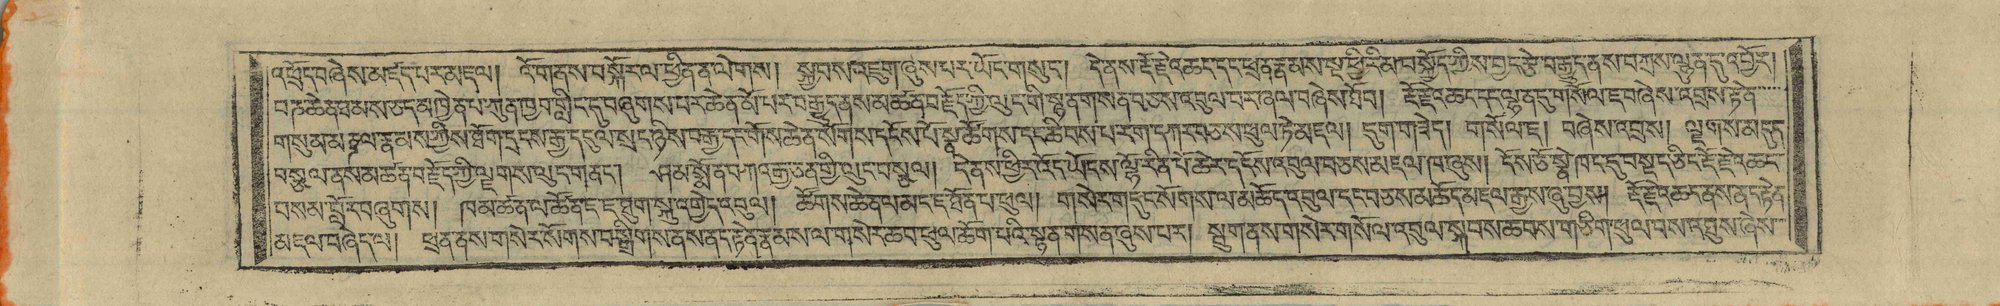འཕྲོད་བཞེས་མཛད་པར་མཇལ། འོ་གནས་བསྐོར་ལ་ཕྱིན་ན་ལེགས། སྐྱབས་འཇུག་ཞུས་པར་ཡོང་གསུང་། དེ་ནས་རྡོ་རྗེ་འཆང་དང་ཕྲན་རྣམས་སྔ་ཕྱི་རིམ་བསྐྱོད་ཀྱིས་བྱང་རྩེ་བརྒྱུད་ནས་བཀྲས་ལྷུན་དུ་འབྱོར།
པཎ་ཆེན་ཐམས་ཅད་མཁྱེན་པ་ཀུན་ཁྱབ་གླིང་དུ་བཞུགས་པར་ཆེན་མོ་པར་བརྒྱུད་ནས་མཚན་བརྗོད་ཀྱི་ལུང་གི་སྙན་གསན་བཅས་འབུལ་བར་ཞལ་བཞེས་ཐོབ། རྡོ་རྗེ་འཆང་དང་ལྷན་དུ་གསོལ་ཇ་བཞེས་འབྲས་རྟེན་
གསུམ་མཎྜལ་རྣམས་ཀྱིས་ཐོག་དྲངས་རྒྱ་དངུལ་སྲང་ཉིས་བརྒྱ་དང་གོས་ཆེན་སོགས་དངོས་པོ་སྣ་ཚོགས་དང་ཆིབས་པ་རག་དཀར་བཅས་ཕུལ་ཏེ་མཇལ། དུག་གཟེད། གསོལ་ཇ། བཞེས་འབྲས། ལྗགས་མདུད་
བསྩལ་ནས་མཚན་བརྗོད་ཀྱི་ལྗགས་ལུང་གནང་། ཤམ་སྨོན་བཀའ་རྒྱ་ཅན་གྱི་ལུང་བསྩལ། དེ་ནས་ཕྱིར་འོང་ཡོངས་ལྷོ་རིན་པོ་ཆེར་དངོས་འབུལ་བཅས་མཇལ་ཁ་ཞུས། ངོས་ཅོ་སྣེ་ཁང་དུ་བསྡད་ཅིང་རྡོ་རྗེ་འཆང་
བསམ་བློར་བཞུགས། ཁམ་ཚན་ལ་ཚོན་ཇ་ཇ་ཐུག་སྐུ་འགྱེད་འབུལ། ཚོགས་ཆེན་ལ་མང་ཇ་ཐོན་པ་ཕུལ། གསེར་གདུང་སོགས་ལ་མཆོད་འབུལ་དང་བཅས་མཆོད་མཇལ་རྒྱས་ཞུ་བྱས། རྡོ་རྗེ་འཆང་ནས་ནང་རྟེན་
མཇལ་བཞེད་ལ། ཕྲན་ནས་གསེར་སོགས་བསྒྲིགས་ནས་ནང་རྟེན་རྣམས་ལ་གསེར་ཆབ་ཕུལ་ཆོག་པའི་སྙན་གསན་ཞུས་པར། སྦུག་ནས་གསེར་གསོལ་འབུལ་སྐབས་ཆབས་གཅིག་ཕུལ་བས་འཐུས་ཞེས་